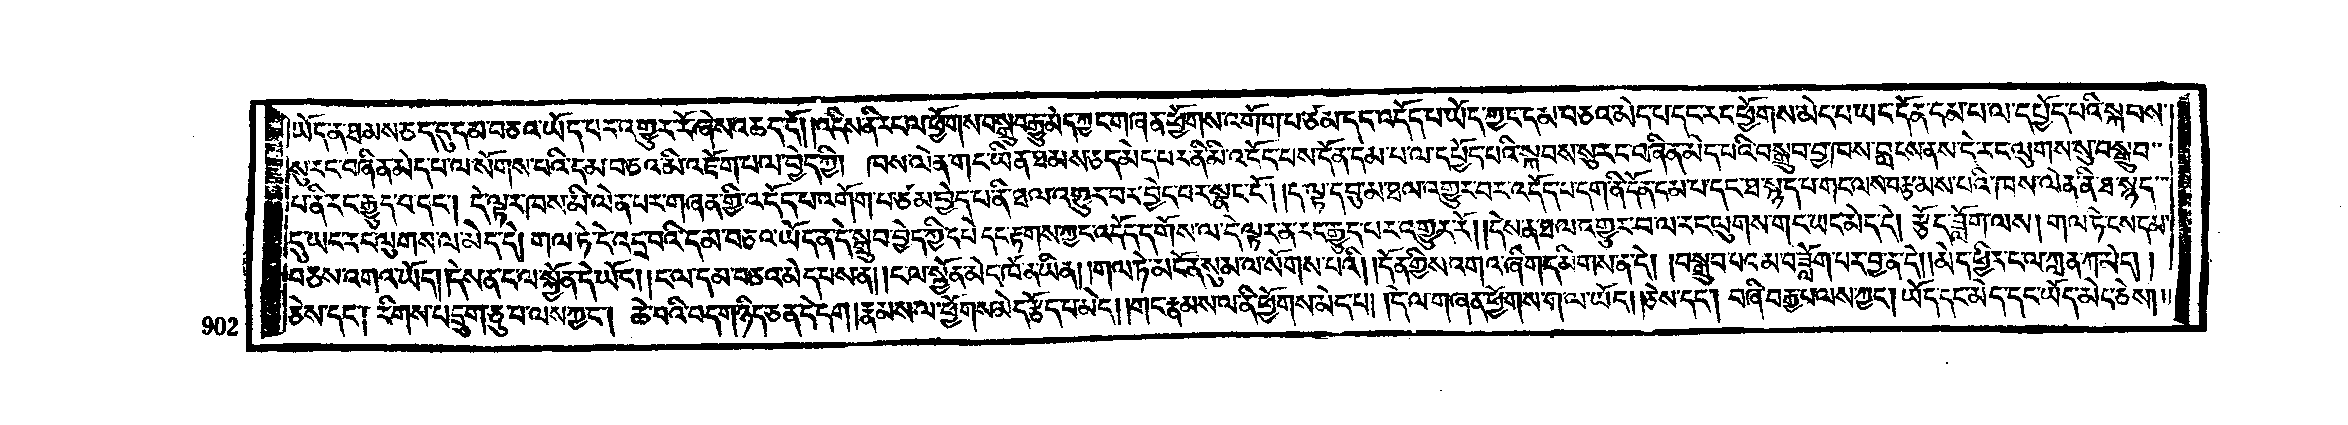ཡོད་ན་ཐམས་ཅད་དུ་དམ་བཅའ་ཡོད་པར་འགྱུར་རོ་ཞེས་འཆད་དོ། །འདིས་ནི་རང་ལ་ཕྱོགས་བསྒྲུབ་རྒྱུ་མེད་ཀྱང་གཞན་ཕྱོགས་འགོག་པ་ཙམ་དང་འདོད་པ་ཡོད་ཀྱང་དམ་བཅའ་མེད་པ་དང་རང་ཕྱོགས་མེད་པ་ཡང་དོན་དམ་པ་ལ་དཔྱོད་པའི་སྐབས་
སུ་རང་བཞིན་མེད་པ་ལ་སོགས་པའི་དམ་བཅའ་མི་འཇོག་པ་ལ་བྱེད་ཀྱི། ཁས་ལེན་གང་ཡིན་ཐམས་ཅད་མེད་པར་ནི་མི་འདོད་པས་དོན་དམ་པ་ལ་དཔྱོད་པའི་སྐབས་སུ་རང་བཞིན་མེད་པའི་བསྒྲུབ་བྱ་ཁས་བླངས་ནས་དེ་རང་ལུགས་སུ་བསྒྲུབ་
པ་ནི་རང་རྒྱུད་པ་དང་། དེ་ལྟར་ཁས་མི་ལེན་པར་གཞན་གྱི་འདོད་པ་འགོག་པ་ཙམ་བྱེད་པ་ནི་ཐལ་འགྱུར་བར་བྱེད་པར་སྣང་ངོ། །ད་ལྟ་དབུ་མ་ཐལ་འགྱུར་བར་འདོད་པ་དག་ནི་དོན་དམ་པ་དང་ཐ་སྙད་པ་གང་ལས་བརྩམས་པའི་ཁས་ལེན་ནི་ཐ་སྙད་
དུ་ཡང་རང་ལུགས་ལ་མེད་དེ། གལ་ཏེ་དེ་འདྲ་བའི་དམ་བཅའ་ཡོད་ན་དེ་སྒྲུབ་བྱེད་ཀྱི་དཔེ་དང་རྟགས་ཀྱང་འདོད་དགོས་ལ་དེ་ལྟར་ན་རང་རྒྱུད་པར་འགྱུར་རོ། །དེས་ན་ཐལ་འགྱུར་བ་ལ་རང་ལུགས་གང་ཡང་མེད་དེ། རྩོད་ཟློག་ལས། གལ་ཏེ་ངས་དམ་
བཅས་འགའ་ཡོད། །དེས་ན་ང་ལ་སྐྱོན་དེ་ཡོད། །ང་ལ་དམ་བཅའ་མེད་པས་ན། །ང་ལ་སྐྱོན་མེད་ཁོ་ན་ཡིན། །གལ་ཏེ་མངོན་སུམ་ལ་སོགས་པའི། །དོན་གྱིས་འགའ་ཞིག་དམིགས་ན་དེ། །བསྒྲུབ་པའམ་བཟློག་པར་བྱ་ན་དེ། །མེད་ཕྱིར་ང་ལ་ཀླན་ཀ་མེད། །
ཅེས་དང་། རིགས་པ་དྲུག་ཅུ་པ་ལས་ཀྱང་། ཆེ་བའི་བདག་ཉིད་ཅན་དེ་དག། རྣམས་ལ་ཕྱོགས་མེད་རྩོད་པ་མེད། །གང་རྣམས་ལ་ནི་ཕྱོགས་མེད་པ། །དེ་ལ་གཞན་ཕྱོགས་ག་ལ་ཡོད། །ཅེས་དང་། བཞི་བརྒྱ་པ་ལས་ཀྱང་། ཡོད་དང་མེད་དང་ཡོད་མེད་ཅེས།